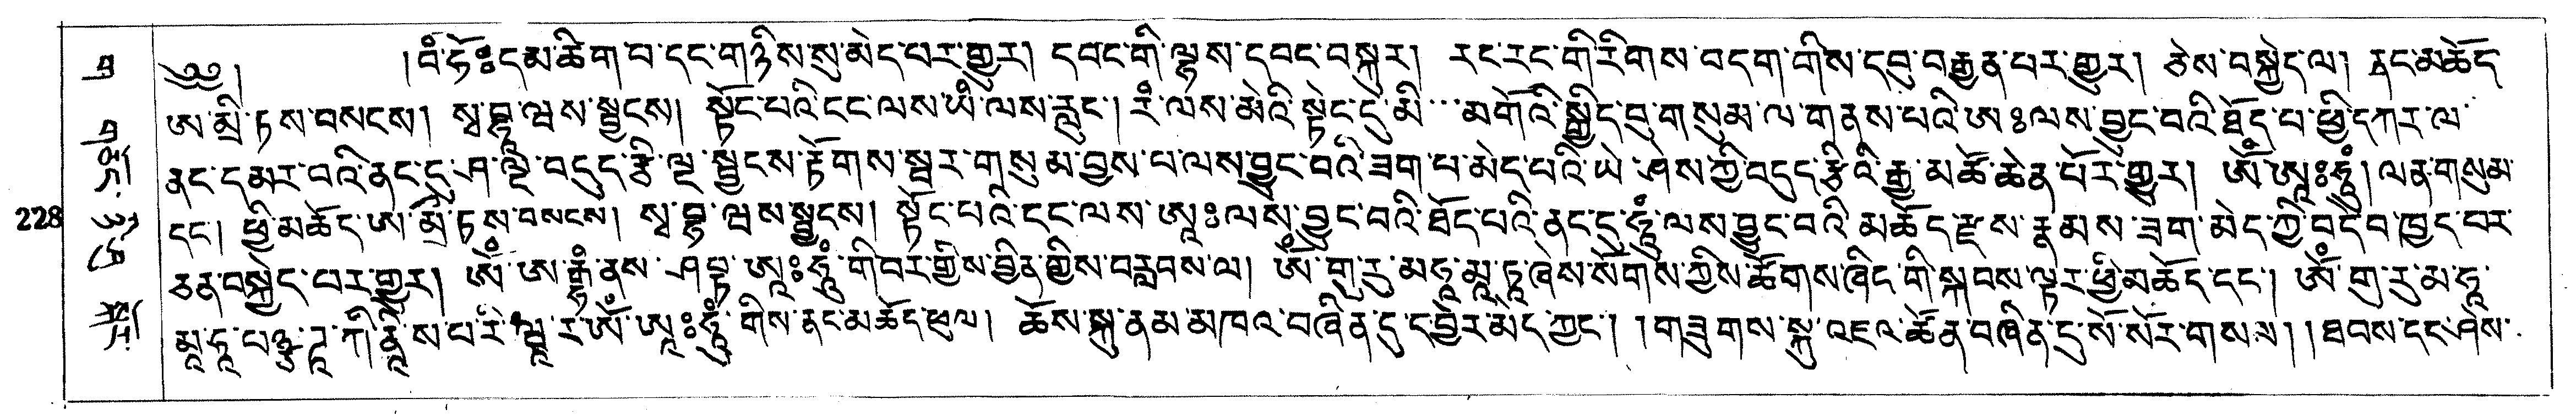༄༅། །བཾ་ཧོཿ དམ་ཚིག་པ་དང་གཉིས་སུ་མེད་པར་གྱུར། དབང་གི་ལྷས་དབང་བསྐུར། རང་རང་གི་རིགས་བདག་གིས་དབུ་བརྒྱན་པར་གྱུར། ཅེས་བསྐྱེད་ལ། ནང་མཆོད་
ཨ་མྲི་ཏས་བསངས། སྭ་བྷཱ་ཝས་སྦྱངས། སྟོང་པའི་ངང་ལས་ཡཾ་ལས་རླུང་། རཾ་ལས་མེའི་སྟེང་དུ་མི་མགོའི་སྐྱིད་བུ་གསུམ་ལ་གནས་པའི་ཨཿ ལས་བྱུང་བའི་ཐོད་པ་ཕྱི་དཀར་ལ་
ནང་དམར་བའི་ནང་དུ་ཤ་ལྔ་བདུད་རྩི་ལྔ་སྦྱངས་རྟོགས་སྦར་གསུམ་བྱས་པ་ལས་བྱུང་བའི་ཟག་པ་མེད་པའི་ཡེ་ཤེས་ཀྱི་བདུད་རྩིའི་རྒྱ་མཚོ་ཆེན་པོར་གྱུར། ཨོཾ་ཨཱཿ ཧཱུཾ། ལན་གསུམ་
དང་། ཕྱི་མཆོད་ཨ་མྲྀ་ཏས་བསངས། སྭ་བྷ་ཝས་སྦྱངས། སྟོང་པའི་ངང་ལས་ཨཱཿ ལས་བྱུང་བའི་ཐོད་པའི་ནང་དུ་ཧཱུཾ་ལས་བྱུང་བའི་མཆོད་རྫས་རྣམས་ཟག་མེད་ཀྱི་བདེ་བ་ཁྱད་པར་
ཅན་བསྐྱེད་པར་གྱུར། ཨོཾ་ཨ་རྒྷཾ་ནས་ཤཔྟ་ཨཱཿ ཧཱུཾ་གི་བར་གྱིས་བྱིན་གྱིས་བརླབས་ལ། ཨོཾ་གུ་རུ་མཧཱ་མཱ་ཏཱ་ཞེས་སོགས་ཀྱིས་ཚོགས་ཞིང་གི་སྐབས་ལྟར་ཕྱི་མཆོད་དང་། ཨོཾ་གུ་རུ་མ་ཧཱ་
མཱ་ཧཱ་པཉྩ་ཌཱ་ཀི་ནཱི་ས་པ་རི་ཝཱ་ར་ཨོཾ་ཨཱཿ ཧཱུཾ་གིས་ནང་མཆོད་ཕུལ། ཆོས་སྐུ་ནམ་མཁའ་བཞིན་དུ་དབྱེར་མེད་ཀྱང་། །གཟུགས་སྐུ་འཇའ་ཚོན་བཞིན་དུ་སོ་སོར་གསལ། །ཐབས་དང་ཤེས་